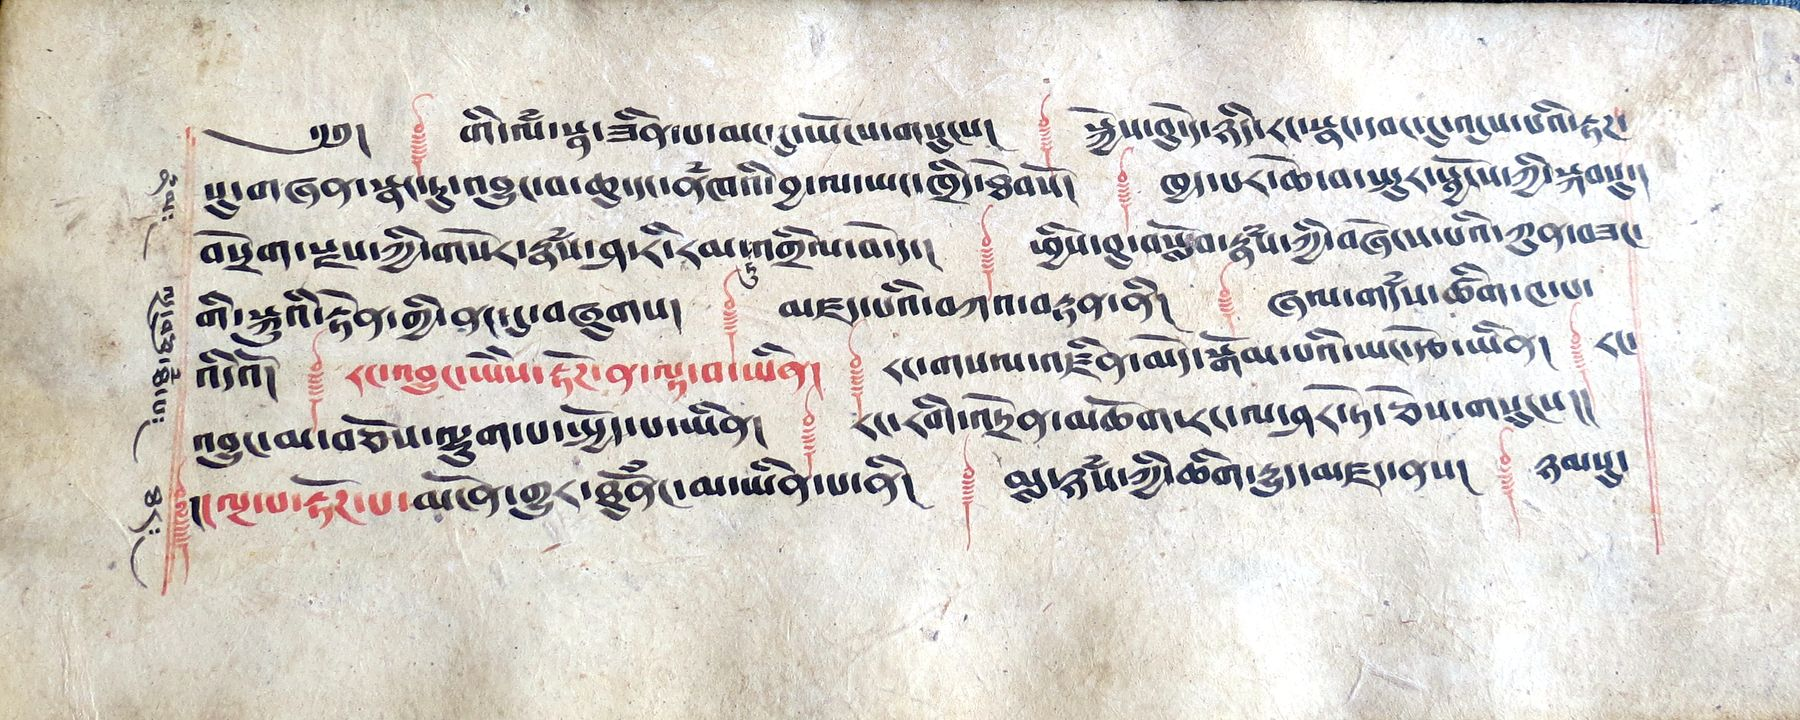གི་ལམ་སྣ་ཟིན་པ་མང་དུ་ཡོང་གསུངས། སྐྱེས་བུ་དེ་ཉིད་རང་སྣང་དབང་དུ་འདུས་པའི་རྟགས་
སུ་གཞན་སྣང་དུ་འབྱུང་བ་ཆུ་དང་ནམ་མཁའི་བྱ་ལ་ཡང་ཁྲིད་ཐེབས་སོ། ། ཁྱད་པར་ཆེ་བ་སྤུར་སྦྱོང་གི་སྐབས་སུ་
སྲེག་རྫས་ཀྱི་གསེར་རྣམས་ཤ་རི་རམ་དུ་འགྲིལ་བ་དེ། ཕྱིས་བུ་སློབ་རྣམས་ཀྱིས་བཞེངས་པའི་ཀུན་བཟང་
གི་སྐུའི་རྟེན་གྱི་ནང་དུ་གཞུགས། མཛད་པའི་བཀའ་བརྟེན་ནི། ཞལ་གདམས་ཚིག་བཞི་པ་
འདིའོ། ། རང་འབྱུང་ཡེ་ཤེས་རྟོགས་ན་ལྟ་བ་ཡིན། རང་གསལ་འཛིན་མེད་སྒོམ་པའི་ཡང་རྩེ་ཡིན། རང་
འབྱུང་མ་བཅོས་ལྷུག་པ་སྤྱོད་པ་ཡིན། རང་རིག་འདྲེན་མཆོག་རང་ལ་ཤར་ཏེ་ཅེས་གསུངས།། 
།།ལྔ་པ་རྟོགས་པ་མངོན་གྱུར་ཐུན་མོང་མ་ཡིན་པ་ནི། བླ་མ་ཉམས་ཀྱི་ཆིག་རྒྱུད་མཛད་ནས། ཉམས་སུ་